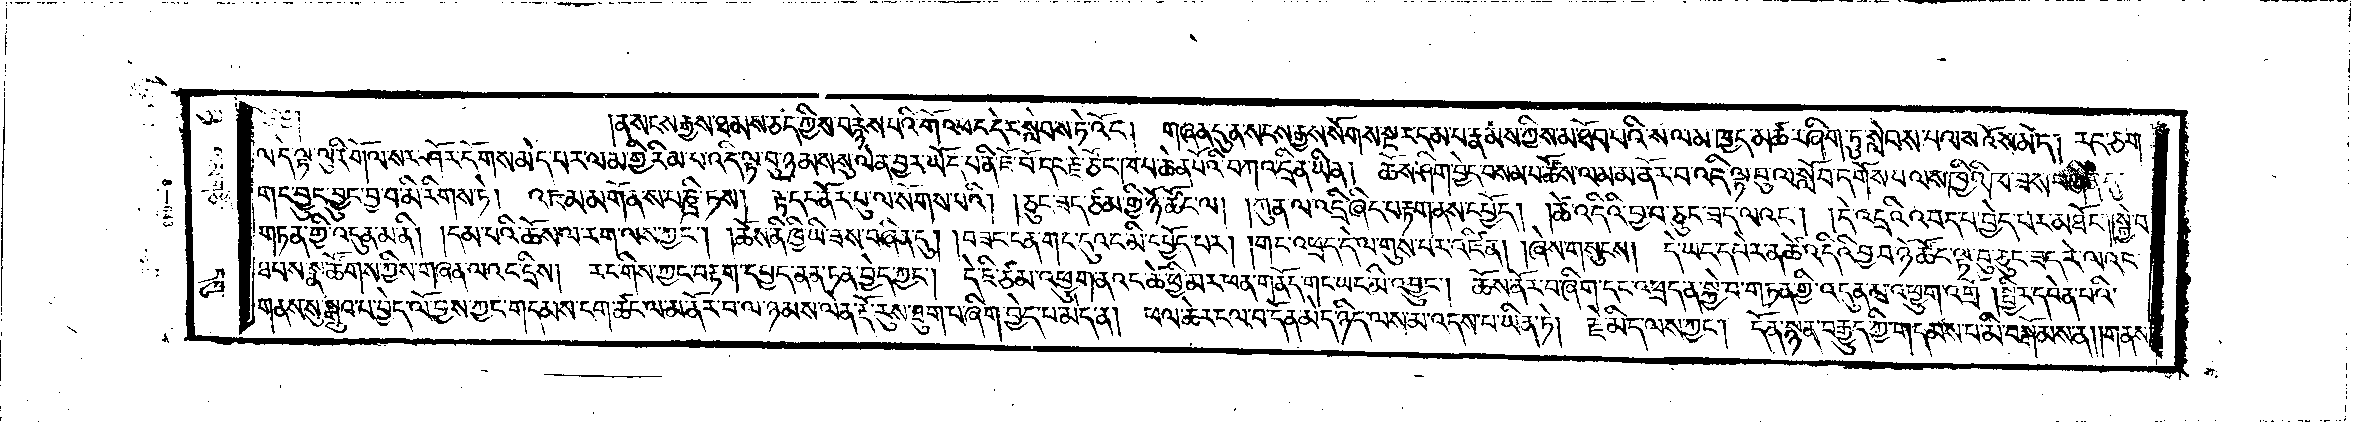༄༅། །ན་སངས་རྒྱས་ཐམས་ཅད་ཀྱིས་བརྙེས་པའི་གོ་འཕང་དེར་སླེབས་ཏེ་འོང་། གཞན་དུ་ན་སངས་རྒྱས་སོགས་སྔར་དམ་པ་རྣམས་ཀྱིས་མ་ཐོབ་པའི་ས་ལམ་ཁྱད་མཚར་ཞིག་ཏུ་སླེབས་པ་ལས་འོས་མེད། རང་ཅག་
ལ་དེ་ལྟ་བུའི་གོལ་སར་ཤོར་དོགས་མེད་པར་ལམ་གྱི་རིམ་པ་འདི་ལྟ་བུ་ཉམས་སུ་ལེན་བྱར་ཡོད་པ་ནི་ཇོ་བོ་དང་རྗེ་ཙོང་ཁ་པ་ཆེན་པོའི་བཀའ་དྲིན་ཡིན། ཆོས་ཤིག་བྱེད་བསམ་པ་ཚོས་ལམ་མ་ནོར་བ་འདི་ལྟ་བུ་ལ་སློབ་དགོས་པ་ལས་ཁྱིའི་ཁ་ཟས་བཞིན་དུ་
གང་བྱུང་བྱུང་བྱ་བ་མི་རིགས་ཏེ། འཇམ་མགོན་ས་པཎྜི་ཏས། རྟ་དང་ནོར་བུ་ལ་སོགས་པའི། །ཅུང་ཟད་ཙམ་གྱི་ཉོ་ཚོང་ལ། །ཀུན་ལ་འདྲི་ཞིང་བརྟག་ནས་དཔྱོད། །ཚེ་འདིའི་བྱ་བ་ཅུང་ཟད་ལའང་། །དེ་འདྲའི་འབད་པ་བྱེད་པར་མཐོང་། །སྐྱེ་བ་
གཏན་གྱི་འདུན་མ་ནི། །དམ་པའི་ཆོས་ལ་རག་ལས་ཀྱང་། །ཆོས་ནི་ཁྱི་ཡི་ཟས་བཞིན་དུ། །བཟང་ངན་གང་དུའང་མི་དཔྱོད་པར། །གང་འཕྲད་དེ་ལ་གུས་པར་འཛིན། །ཞེས་གསུངས། དེ་ཡང་དཔེར་ན་ཚེ་འདིའི་བྱ་བ་ཉོ་ཚོང་ལྟ་བུ་ཅུང་ཟད་རེ་ལའང་
ཐབས་སྣ་ཚོགས་ཀྱིས་གཞན་ལའང་དྲིས། རང་གིས་ཀྱང་བརྟག་དཔྱད་ནན་ཏན་བྱེད་ཀྱང་། དེ་ཇི་ཙམ་འཕྱུག་ནའང་ཚེ་ཕྱི་མར་ཕན་གནོད་གང་ཡང་མི་འབྱུང་། ཆོས་ནོར་བ་ཞིག་དང་འཕྲད་ན་སྐྱེ་བ་གཏན་གྱི་འདུན་མ་འཕྱུག་འགྲོ་།སྤྱིར་དབེན་པའི་
གནས་སུ་སྒྲུབ་པ་བྱེད་ལོ་བྱས་ཀྱང་གདམས་ངག་ཚང་ལ་མ་ནོར་བ་ལ་ཉམས་ལེན་རྡོ་རུས་ཐུག་པ་ཞིག་བྱེད་པ་མེད་ན། ཕལ་ཆེར་ངལ་བ་དོན་མེད་ཉིད་ལས་མ་འདས་པ་ཡིན་ཏེ། རྗེ་མིད་ལས་ཀྱང་། དོན་སྙན་བརྒྱུད་ཀྱི་གདམས་པ་མི་བསྒོམས་ན། །གནས་